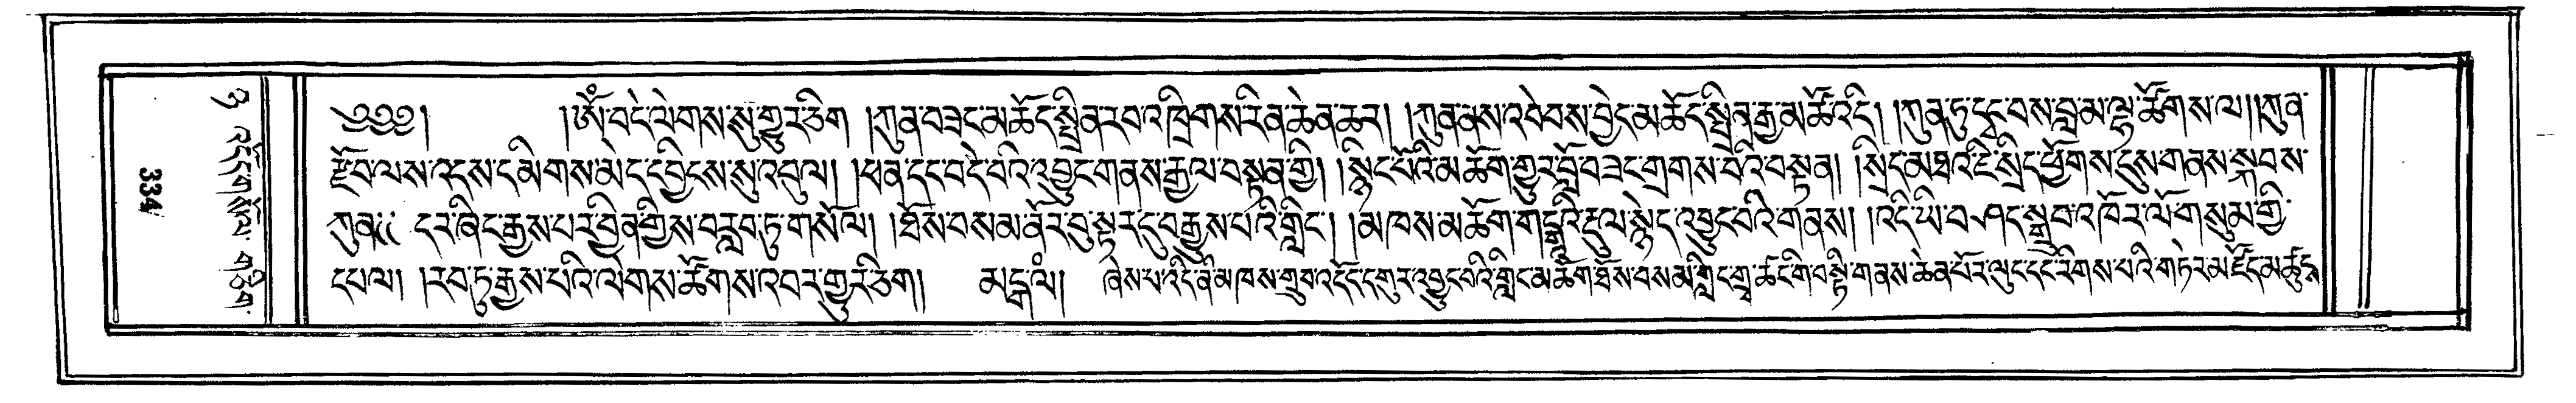༄༅༅། །ཨོཾ་བདེ་ལེགས་སུ་གྱུར་ཅིག །ཀུན་བཟང་མཆོད་སྦྲིན་རབ་འཁྲིགས་རིན་ཆེན་ཆར། །ཀུན་ནས་འབེབས་བྱེད་མཆོད་སྦྲིན་རྒྱ་མཚོ་འདི། །ཀུན་ཏུ་དྭང་བས་བླ་མ་ལྷ་ཚོགས་ལ། །ཀུན་
རྫོབ་ལས་འདས་དམིགས་མེད་དབྱིངས་སུ་འབུལ། །ཕན་དང་བདེ་བའི་འབྱུང་གནས་རྒྱལ་བསྟན་གྱི། །སྙིང་པོའི་མཆོག་གྱུར་བློ་བཟང་གྲགས་པའི་བསྟན། །སྲིད་མཐའ་ཇི་སྲིད་ཕྱོགས་དུས་གནས་སྐབས་
ཀུན༑༑ དར་ཞིང་རྒྱས་པར་བྱིན་གྱིས་བརླབ་ཏུ་གསོལ། །ཐོས་བསམ་ནོར་བུ་སྟར་དུ་བརྒྱུས་པའི་གླིང་། །མཁས་མཆོག་གངྒཱའི་རྡུལ་སྙེད་འབྱུང་བའི་གནས། །འདི་ཡི་བཤད་སྒྲུབ་འཁོར་ལོ་གསུམ་གྱི་
དཔལ། །རབ་ཏུ་རྒྱས་པའི་ལགས་ཚོགས་འབར་གྱུར་ཅིག། མངྒ་ལཾ། ཞེས་པ་འདི་ནི་མཁས་གྲུབ་འདོད་དགུར་འབྱུང་བའི་གླིང་མཆོག་ཐོས་བསམ་གླིང་གྲྭ་ཚང་གི་བསྟི་གནས་ཆེན་བོར་ལུང་དང་རིགས་པའི་གཏེར་མཛོད་མཚུངས་